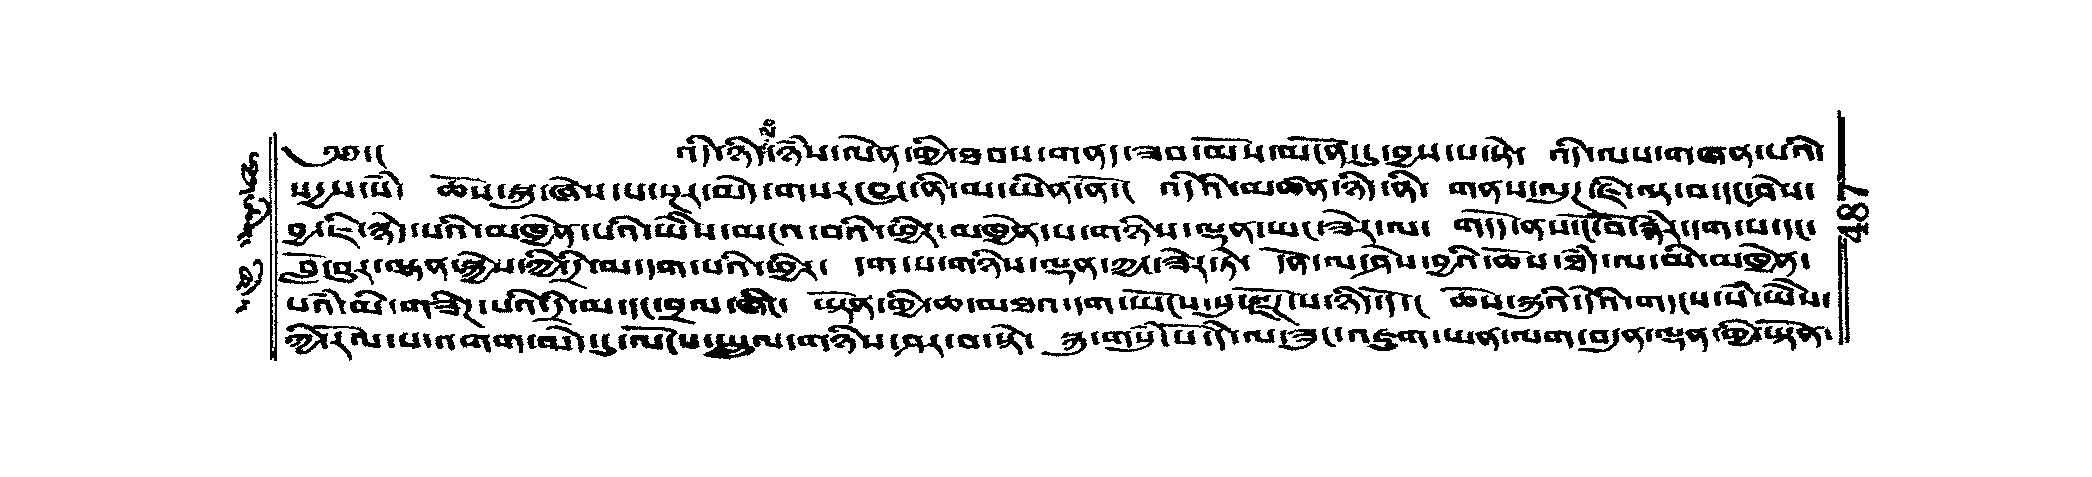འདི་ཉིད་ལམ་ཉམས་ལེན་གྱི་ཐབས་གནད་ཟབ་མོས་མངོན་དུ་བྱས་པ་སྟེ། འདི་ལས་གཞན་པའི་
སངས་རྒྱས་སམ། ཆོས་སྐུ་ཞེས་པ་སྔར་མེད་གསར་བྱུང་ནི་མ་ཡིན་ནོ། འདིའི་མཚན་ཉིད་ནི། གནས་ལུགས་ཇི་ལྟ་བ་དང་ཤེས་
བྱ་ཇི་སྙེད་པའི་མཁྱེན་པའི་ཡེ་ཤེས་མངའ་བའི་ཕྱིར་མཁྱེན་པ་གཉིས་ལྡན་ཡང་ཟེར་ལ། གདོད་ནས་ངོ་བོ་རྣམ་པར་དག་པ་དང་
བློ་བུར་ལྷན་སྐྱེས་ཀྱི་དྲི་མ་དག་པའི་ཕྱིར། དག་པ་གཉིས་ལྡན་ཡང་ཟེར་ཏེ། དོན་ལ་ཤེས་བྱའི་ཆོས་ཐམས་ཅད་ལ་མི་མཁྱེན་
པའམ་མི་གཟིགས་པའི་དྲི་མ་དང་བྲལ་ཞིང་། ཡོན་ཏན་གྱི་ཆ་མཐའ་དག་ཡོངས་སུ་རྫོགས་པ་ཉིད་དོ། ཆོས་སྐུ་དེའི་གདངས་སམ་ཡེ་ཤེས་
ཀྱི་རོལ་པ་འགག་མེད་དུ་ལོངས་སྤྲུལ་གཉིས་ཤར་བ་སྟེ། སྐུ་གསུམ་པོ་དེ་ལ་ཟུང་འཇུག་ཡན་ལག་བདུན་ལྡན་གྱི་ཡོན་ཏན་